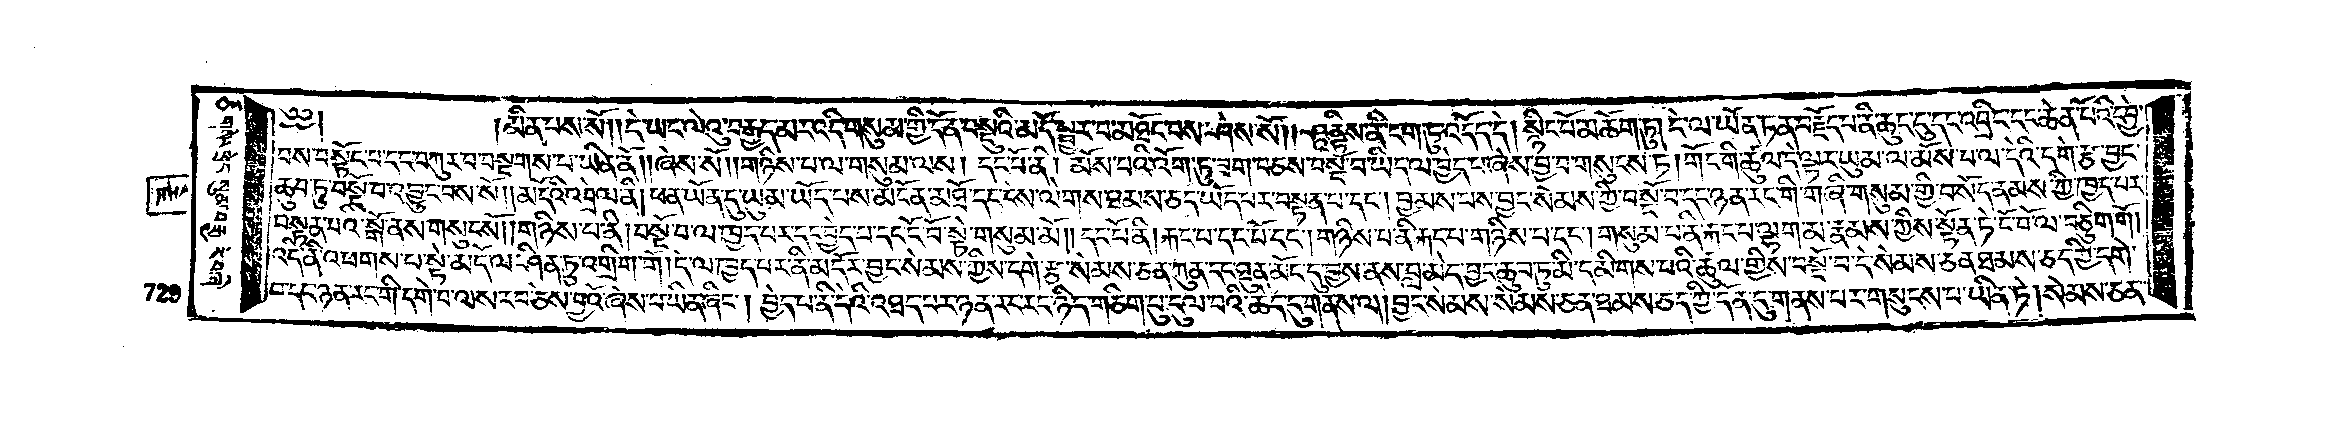༄༅། །མིན་པས་སོ། །དེ་ཡང་ལེའུ་བརྒྱད་མར་འདི་གསུམ་གྱི་དོན་བསྡུའི་མདོ་སྦྱར་བ་མཐོང་བས་ཤེས་སོ། །ཤཱནྟིས་ནི་ངག་ཏུ་འདོད་དེ། སྙིང་པོ་མཆོག་ཏུ། དེ་ལ་ཡོན་ཏན་བརྗོད་པ་ནི་ཆུང་ངུ་དང་འབྲིང་དང་ཆེན་པོའི་དབྱེ་
བས་བསྟོད་པ་དང་བཀུར་བ་བསྔགས་པ་ཡིན་ནོ། །ཞེས་སོ། །གཉིས་པ་ལ་གསུམ་ལས། དང་པོ་ནི། མོས་པའི་འོག་ཏུ་ཟག་བཅས་བསྔོ་བ་ཡིད་ལ་བྱེད་པ་ཞེས་བྱ་བ་གསུངས་ཏེ། གོང་གི་ཚུལ་དེ་ལྟར་ཡུམ་ལ་མོས་པ་ལ་དེའི་དགེ་རྩ་བྱང་
ཆུབ་ཏུ་བསྔོ་བ་འབྱུང་བས་སོ། །མདོའི་འབྲེལ་ནི། ཕན་ཡོན་དུ་ཡུམ་ཡོད་པས་མངོན་མཐོ་དང་ངེས་ལེགས་ཐམས་ཅད་ཡོད་པར་བསྟན་པ་དང་། བྱམས་པས་བྱང་སེམས་ཀྱི་བསྔོ་བ་དང་ཉན་རང་གི་གཞི་གསུམ་གྱི་བསོད་ནམས་ཀྱི་ཁྱད་པར་
བསྟན་པའི་སྒོ་ནས་གསུངས་སོ། །གཉིས་པ་ནི། བསྔོ་བ་ལ་ཁྱད་པར་དང་བྱེད་པ་དང་ངོ་བོ་སྟེ་གསུམ་མོ། །དང་པོ་ནི། རྐང་པ་དང་པོ་དང་། གཉིས་པ་ནི་རྐང་པ་གཉིས་པ་དང་། གསུམ་པ་ནི་རྐང་པ་ལྷག་མ་རྣམས་ཀྱིས་སྟོན་ཏེ་ངོ་བོ་ལ་བཅུ་གཅིག་གོ །
འདི་ནི་འཕགས་པ་སྟེ་མདོ་ལ་ཤིན་ཏུ་འགྲིག་གོ །དེ་ལ་ཁྱད་པར་ནི་མདོར་བྱང་སེམས་ཀྱིས་དགེ་རྩ་སེམས་ཅན་ཀུན་དང་ཐུན་མོང་དུ་བྱས་ནས་བླ་མེད་བྱང་ཆུབ་ཏུ་མི་དམིགས་པའི་ཚུལ་གྱིས་བསྔོ་བ་དེ་སེམས་ཅན་ཐམས་ཅད་ཀྱི་དགེ་
བ་དང་ཉན་རང་གི་དགེ་བ་ལས་རབ་ཅེས་བྱའོ་ཞེས་པ་ཡིན་ཞིང་། བྱེད་པ་ནི་དེའི་འཐད་པར་ཉན་རང་རང་ཉིད་གཅིག་པུ་དུལ་བའི་ཆེད་དུ་གནས་ལ། བྱང་སེམས་སེམས་ཅན་ཐམས་ཅད་ཀྱི་དོན་དུ་གནས་པར་གསུངས་པ་ཡིན་ཏེ། སེམས་ཅན་